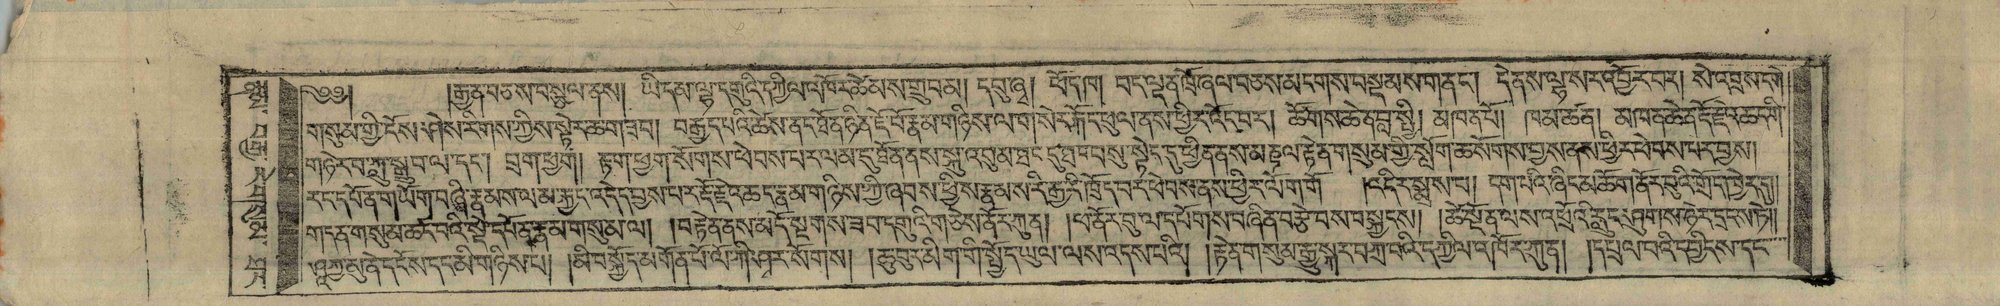༄༅། །རྒྱན་བཅས་བསྩལ་ནས། ཡི་དམ་ལྷ་དགུའི་དཀྱིལ་འཁོར་ཚེམས་གྲུབ་མ། དབུ་ཞྭ། ཕོད་ཁ། བང་ལྡན་ཁྲོ་ཞལ་བཅས་མངགས་བསྡམས་གནང་། དེ་ནས་ལྷ་སར་འབྱོར་བར། སེ་འབྲས་
དགེ་གསུམ་གྱི་ངོས་ཤེས་རིགས་ཀྱིས་སྟེར་ཆ་གཟབ། བརྒྱད་པའི་ཚེས་ནང་ཐོན་ཉིན་ཇོ་བོ་རྣམ་གཉིས་ལ་གསེར་རྐོང་ཕུལ་ནས་ཕྱིར་འོང་བར། ཚོགས་ཆེན་བླ་སྤྱི། མཁན་པོ། ཁམ་ཚན། མཁན་ཆེན་རྡོ་རྗེ་འཆང་གི་
གཉེར་བ་ཀླུ་སྒྲུབ་ལ་དང་། བྲག་ཕྱག །རྟག་ཕྱག་སོགས་ཕེབས་པར་ལམ་དུ་ཐོན་ནས་སྐུ་འབུམ་ཐང་དུ་ཐབ་བསུ་སྟེང་དུ་ཕྱིན་ནས་མཎྜལ་རྟེན་གསུམ་གྱི་སློག་ཆ་སོགས་བྱས་ནས་ཕྱིར་ཕེབས་པར་བྱས།
རང་དཔོན་གཡོག་བཞི་རྣམས་ལམ་རྐྱང་འདེད་བྱས་པར་རྡོ་རྗེ་འཆང་རྣམ་གཉིས་ཀྱི་ཞབས་ཕྱིས་རྣམས་རི་རྒྱ་རི་ཁྲོད་པར་ཕེབས་ནས་ཕྱིར་ལོག་གོ །འདིར་སྨྲས་པ། དག་པའི་ཞིང་མཆོག་ནོར་བུའི་གྲོང་ཁྱེར་དུ།།
གདན་གསུམ་ཚང་བའི་སྡེ་དཔོན་རྣམ་གསུམ་ལ། །བརྟེན་ནས་མདོ་སྔགས་ཟབ་དགུའི་གཅེས་ནོར་ཀུན། །ཕ་ནོར་བུ་ལ་དཔོགས་བཞིན་བརྩེ་བས་བསྐྱངས། །ཚེ་སྔོན་ལས་འཕྲོའི་རླུང་ཤུགས་ཉེར་དྲངས་ཏེ།།
ཤཱཀྱ་མུ་ནེ་དངོས་དང་མི་གཉིས་པ། །མི་བསྐྱོད་མགོན་པོ་ལོ་ཀི་ཤྭར་སོགས། །ཆུ་བུར་མིག་གི་སྤྱོད་ཡུལ་ལས་འདས་པའི། །རྟེན་གསུམ་རྒྱུ་སྐར་བཀྲ་བའི་དཀྱིལ་འཁོར་ཀུན། །དཔྲལ་བའི་དབྱིངས་དང་